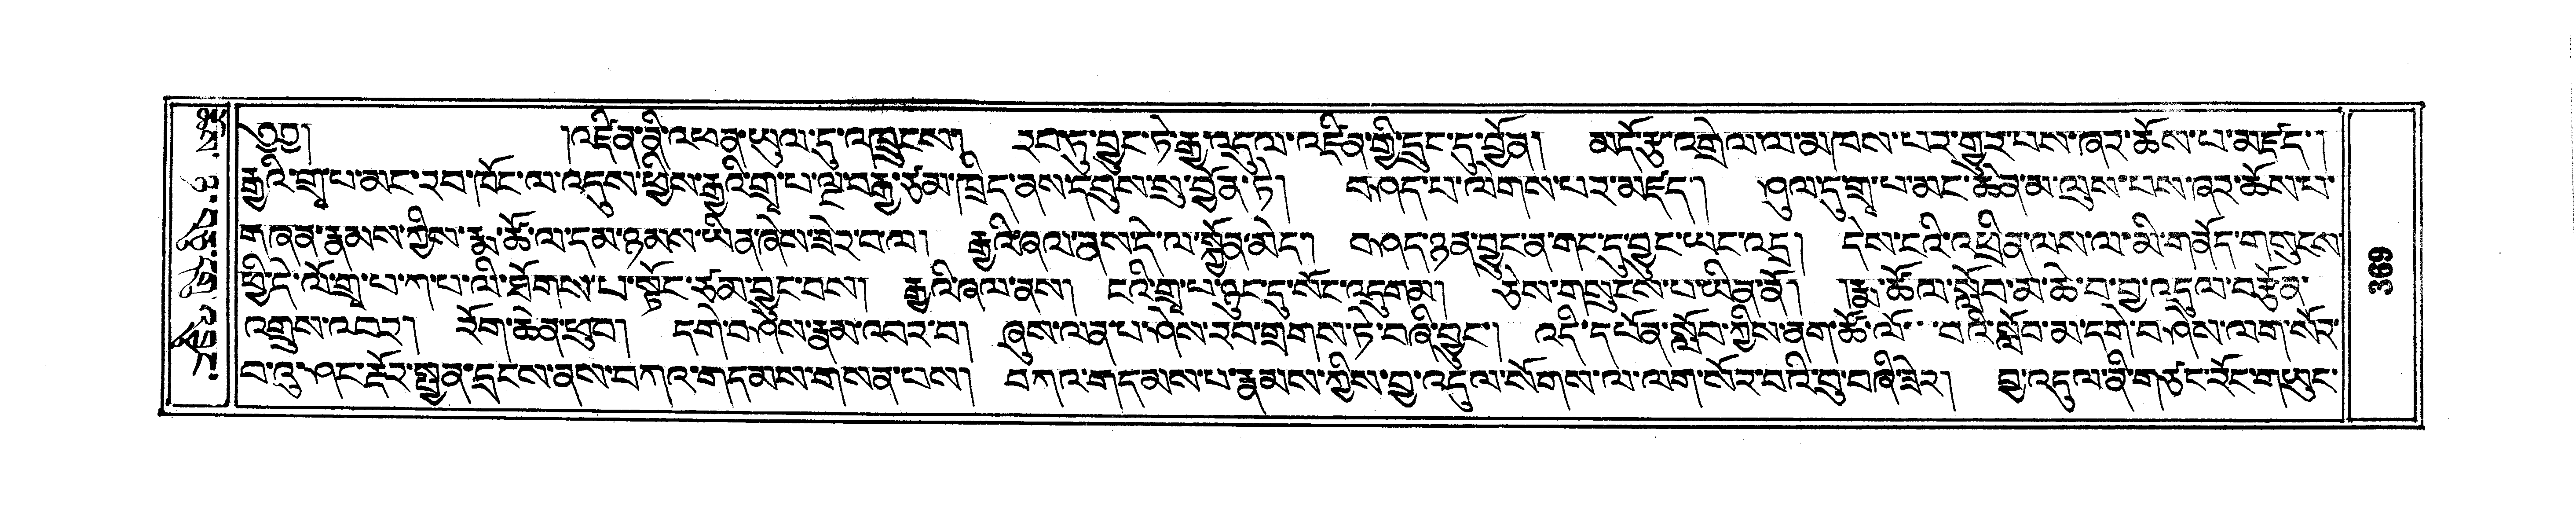༄༅། །འཛིན་ནི་འཕན་ཡུལ་དུ་འཁྲུངས། རབ་ཏུ་བྱུང་ཏེ་རྒྱ་འདུལ་འཛིན་གྱི་དྲུང་དུ་བྱོན། མདོ་རྩ་འགྲེལ་ལ་མཁས་པར་གྱུར་པས་ཞར་ཆོས་པ་མཛད།
རྒྱའི་གྲྭ་པ་མང་རབ་ཁོང་ལ་འདུས་ཕྱིས་རྒྱའི་གྲྭ་པ་ལྔ་བརྒྱ་ཙམ་ཁྲིད་ནས་དབུས་སུ་བྱོན་ཏེ། བཤད་པ་ལེགས་པར་མཛད། ཤུལ་དུ་གྲྭ་པ་མང་ཆེན་མ་ལུས་པས་ཞར་ཆོས་པ་
གཞན་རྣམས་ཀྱིས་རྨ་ཚོ་ལ་དམ་ཉམས་ཡིན་ཞེས་ཟེར་བ་ལ། རྒྱའི་ཞལ་ནས་དེ་ལ་སྐྱོན་མེད། བཤད་ཉན་བྱུང་ན་གང་དུ་བྱུང་ཡང་འདྲ། དེས་ངའི་འཕྲིན་ལས་ལ་མི་གནོད་གསུངས་
ཕྱི་དེ་ལོ་གྲྭ་པ་ཀ་པ་ལི་ཐོགས་པ་སྟོང་ཙམ་བྱུང་བས། རྒྱའི་ཞལ་ནས། ངའི་གྲྭ་པ་ཉུང་དུ་སོང་འདུག་མ། ཅེས་གསུངས་པ་ཡིན་ནོ། །རྨ་ཚོལ་སློབ་མ་ཆེ་བ་བྱ་འདུལ་བརྩོན་
འགྲུས་འབར། རོག་ཆེན་ཕུབ། དགེ་བཤེས་རྣམ་འབར་བ། ཞུས་ལན་པ་ཤེས་རབ་གྲགས་ཏེ་བཞི་བྱུང་། འདི་དཔོན་སློབ་ཀྱིས་ནག་ཚོ་ལོ་བའི་སློབ་མ་དགེ་བཤེས་ལག་སོར་
བ་འུ་ཤང་རྡོར་སྤྱན་དྲངས་ནས་བཀའ་གདམས་གསན་པས། བཀའ་གདམས་པ་རྣམས་ཀྱིས་བྱ་འདུལ་སོགས་ལ་ལག་སོར་བའི་བུ་བཞི་ཟེར། བྱ་འདུལ་ནི་གཙང་རོང་གཡུང་